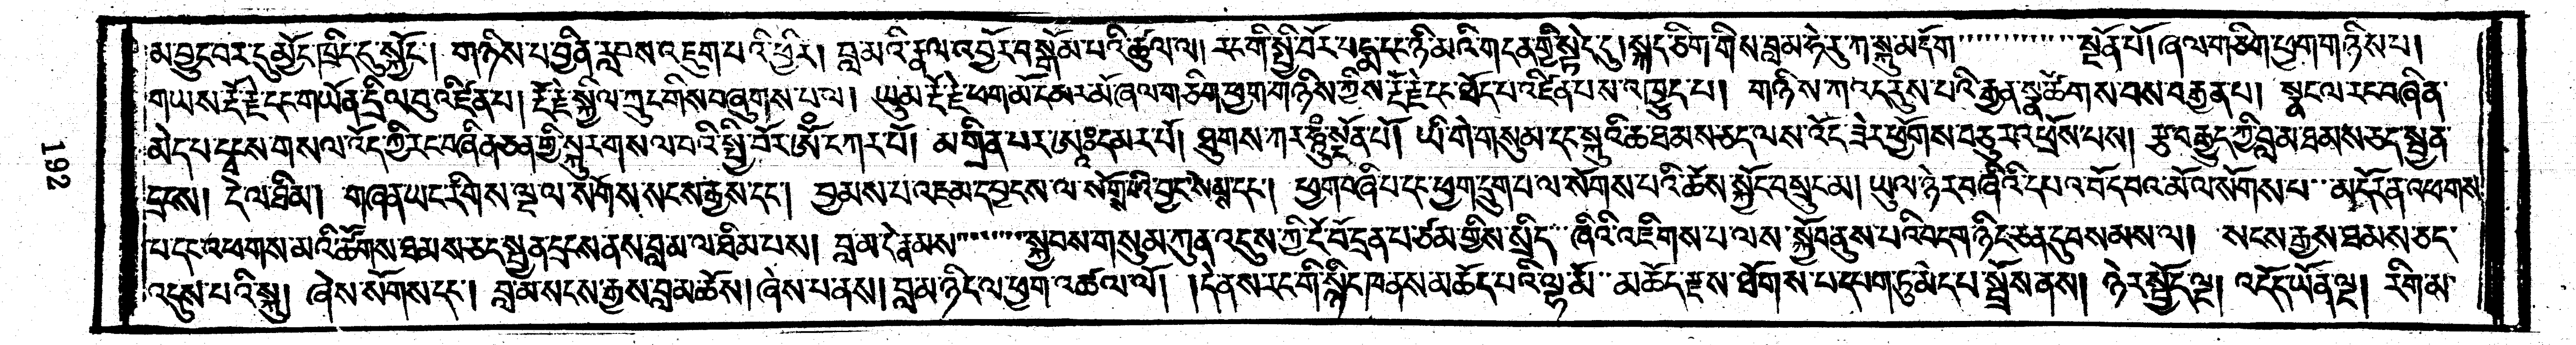མ་བྱུང་བར་དུ་མྱོང་ཁྲིད་དུ་སྐྱོང་། གཉིས་པ་བྱིན་རླབས་འཇུག་པའི་ཕྱིར། བླ་མའི་རྣལ་འབྱོར་བསྒོམ་པའི་ཚུལ་ལ། རང་གི་སྤྱི་བོར་པདམ་དང་ཉི་མའི་གདན་གྱི་སྟེང་དུ། སྐད་ཅིག་གིས་བླ་མ་ཧེ་རུ་ཀ་སྐུ་མདོག་སྔོན་པོ། ཞལ་གཅིག་ཕྱག་གཉིས་པ།
གཡས་རྡོ་རྗེ་དང་གཡོན་དྲིལ་བུ་འཛིན་པ། རྡོ་རྗེ་སྐྱིལ་ཀྲུང་གིས་བཞུགས་པ་ལ། ཡུམ་རྡོ་རྗེ་ཕག་མོ་དམར་མོ་ཞལ་གཅིག་ཕྱག་གཉིས་ཀྱིས་རྡོ་རྗེ་དང་ཐོད་པ་འཛིན་པས་འཁྱུད་པ། གཉིས་ཀའང་རུས་པའི་རྒྱན་སྣ་ཚོགས་བས་བརྒྱན་པ། སྣང་ལ་རང་བཞིན་
མེད་པ་དྭངས་གསལ་འོད་ཀྱི་རང་བཞིན་ཅན་གྱི་སྐུར་གསལ་བའི་སྤྱི་བོར་ཨོཾ་དཀར་པོ། མགྲིན་པར་ཨཱཿ དམར་པོ། ཐུགས་ཀར་ཧཱུཾ་སྔོན་པོ། ཡི་གེ་གསུམ་དང་སྐུའི་ཆ་ཐམས་ཅད་ལས་འོད་ཟེར་ཕྱོགས་བཅུར་འཕྲོས་པས། རྩ་བརྒྱུད་ཀྱི་བླ་མ་ཐམས་ཅད་སྦྱན་
དྲངས། དེ་ལ་ཐིམ། གཞན་ཡང་རིགས་ལྔ་ལ་སོགས་སངས་རྒྱས་དང་། བྱམས་པ་འཇམ་དབྱངས་ལ་སོགས་པའི་བྱང་སེམས་དང་། ཕྱག་བཞི་པ་དང་ཕྱག་དྲུག་པ་ལ་སོགས་པའི་ཆོས་སྐྱོང་བསྲུང་མ། ཡུལ་ཉེར་བཞིའི་དཔའ་བོ་དབའ་མོ་ལ་སོགས་པ་མདོར་ན་འཕགས་
པ་དང་འཕགས་མའི་ཚོགས་ཐམས་ཅད་སྦྱན་དྲངས་ནས་བླ་མ་ལ་ཐིམ་པས། བླ་མ་དེ་རྣམས་སྐྱབས་གསུམ་ཀུན་འདུས་ཀྱི་ངོ་བོ་དྲན་པ་ཙམ་གྱིས་སྲིད་ཞིའི་འཇིགས་པ་ལས་སྐྱོབ་ནུས་པའི་བདག་ཉིང་ཅན་དུ་བསམས་ལ། སངས་རྒྱས་ཐམས་ཅད་
འདུས་པའི་སྐུ། ཞེས་སོགས་དང་། བླ་མ་སངས་རྒྱས་བླ་མ་ཆོས། ཞེས་པ་ནས། བླ་མ་ཉིང་ལ་ཕྱག་འཚལ་ལོ། །དེ་ནས་རང་གི་སྙིང་ཁ་ནས་མཆོད་པའི་ལྷ་མོ་མཆོད་རྫས་ཐོགས་པ་དཔག་ཏུ་མེད་པ་སྦྲོས་ནས། ཉེར་སྦྱོད་ལྔ། འདོད་ཡོན་ལྔ། རིག་མ་